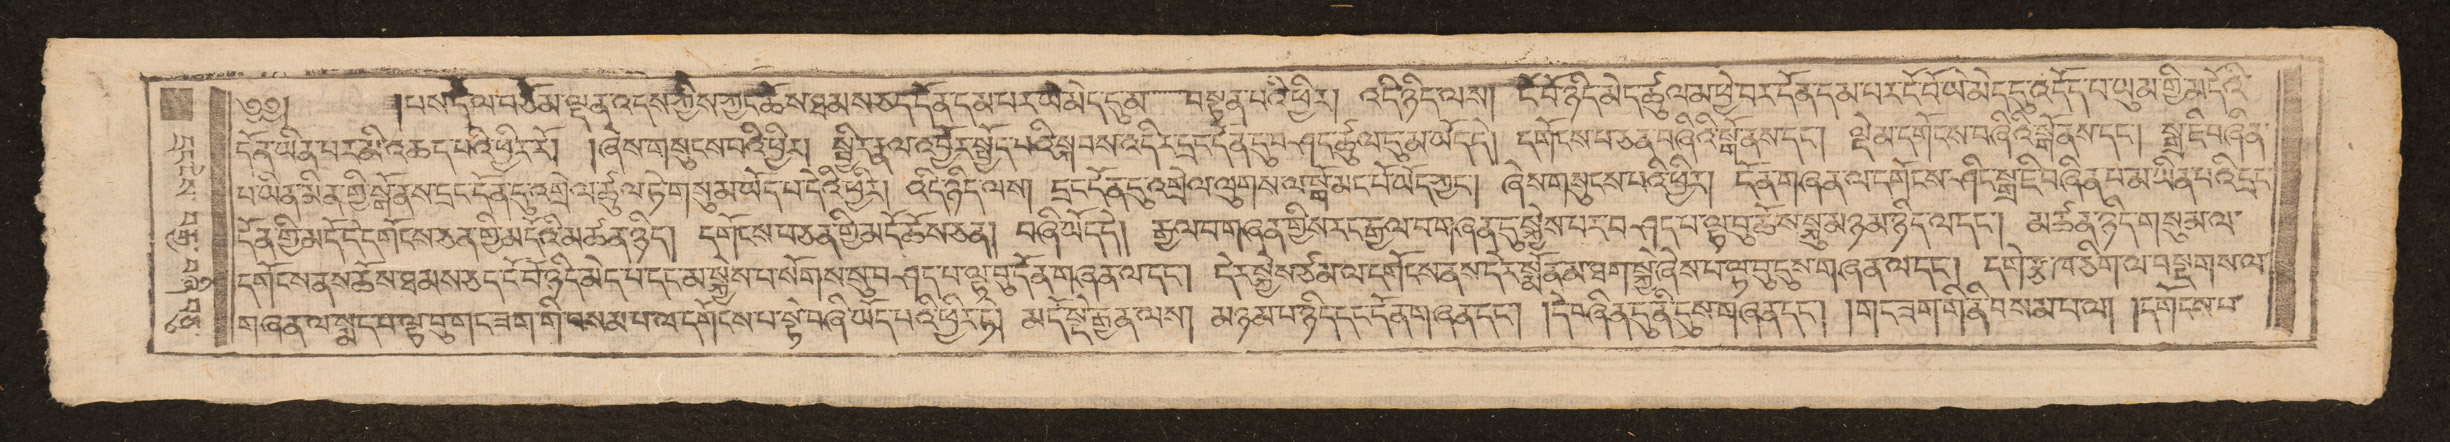༄༅། །པས་དེ་ལ་བཅོམ་ལྡན་འདས་ཀྱིས་ཀྱང་ཆོས་ཐམས་ཅད་དོན་དམ་པར་ཡེ་མེད་དུ་མ་བསྟན་པའི་ཕྱིར། འདི་ཉིད་ལས། ངོ་བོ་ཉིད་མེད་ཚུལ་མ་ཕྱེ་བར་དོན་དམ་པར་ངོ་བོ་ཡེ་མེད་དུ་འདོད་པ་ཡུམ་གྱི་མདོའི་
དོན་ཡིན་པར་མི་འཆད་པའི་ཕྱིར་རོ། །ཞེས་གསུངས་པའི་ཕྱིར། སྦྱིར་རྣལ་འབྱོར་སྤྱོད་པའི་སྐབས་འདིར་དྲང་དོན་དུ་བཤད་ཚུལ་དུ་མ་ཡོད་དེ། དགོངས་པ་ཅན་བཞིའི་སྒོ་ནས་དང་། ལྡེམ་དགོངས་བཞིའི་སྒོ་ནས་དང་། སྒྲ་ཇི་བཞིན་
པ་ཡིན་མིན་གྱི་སྒོ་ནས་དྲང་དོན་དུ་འགྲེལ་ཚུལ་ཏེ་གསུམ་ཡོད་པ་དེའི་ཕྱིར། འདི་ཉིད་ལས། དྲང་དོན་དུ་འགྲེལ་ལུགས་ལ་སྒོ་མང་པོ་ཡོད་ཀྱང་། ཞེས་གསུངས་པའི་ཕྱིར། དོན་གཞན་ལ་དགོངས་ཤིང་སྒྲ་ཇི་བཞིན་པ་མ་ཡིན་པའི་དྲང་
དོན་གྱི་མདོ་དེ་དགོངས་ཅན་གྱི་མདོའི་མཚན་ཉིད། དགོངས་བ་ཅན་གྱི་མདོ་ཆོས་ཅན། བཞི་ཡོད་དེ། རྒྱལ་བ་གཞན་གྱིས་རང་རྒྱལ་བ་གཞན་དུ་སྐྱེས་པར་བཤད་པ་ལྟ་བུ་ཆོས་སྐུ་མཉམ་ཉིད་ལ་ངང་། མཚན་ཉིད་གསུམ་ལ་
དགོངས་ནས་ཆོས་ཐམས་ཅད་ངོ་བོ་ཉིད་མེད་པ་དང་མ་སྐྱེས་པ་སོགས་སུ་བཤད་པ་ལྟ་བུ་དོན་གཞན་ལ་དང་། དེར་སྐྱེས་ཙམ་ལ་དགོངས་ནས་དེར་སྨོན་མ་ཐག་སྐྱེ་ཞེས་བ་ལྟ་བུ་དུས་གཞན་ལ་དང་། དགེ་རྩ་ཁ་ཅིག་ལ་བསྔགས་ལ་
གཞན་ལ་སྨད་པ་ལྟ་བུ་གང་ཟག་གི་བསམ་པ་ལ་དགོངས་པ་སྟེ་བཞི་ཡོད་པའི་ཕྱིར་ཏེ། མདོ་སྡེ་རྒྱན་ལས། མཉམ་པ་ཉིད་དང་དོན་གཞན་དང་། །དེ་བཞིན་དུ་ནི་དུས་གཞན་དང་། །གང་ཟག་གི་ཅི་བསམ་པ་ལ། །དགོངས་པ་